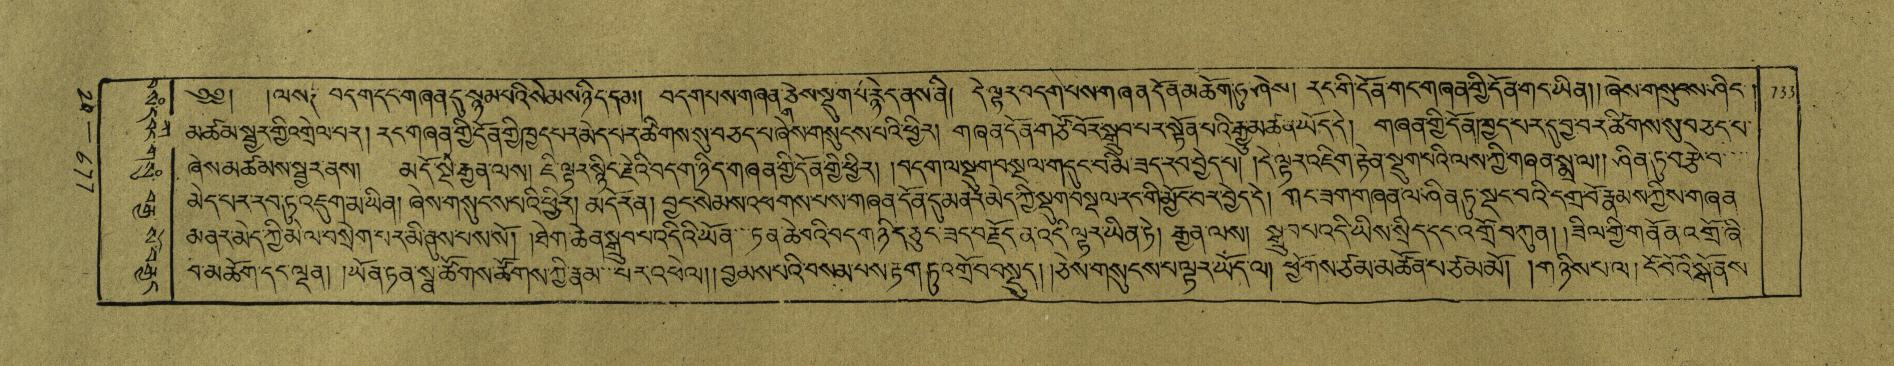༄༅། །ལས༑ བདག་དང་གཞན་དུ་སྙམ་པའི་སེམས་ཉིད་དམ། བདག་པས་གཞན་ཅེས་སྡུག་པ་རྙེད་ནས་ནི། དེ་ལྟར་བདག་པས་གཞན་དོན་མཆོག་ཏུ་ཤེས། རང་གི་དོན་གང་གཞན་གྱི་དོན་གང་ཡིན། །ཞེས་གསུངས་ཤིང་
མཚམས་སྦྱར་གྱི་འགྲེལ་པར། །རང་གཞན་གྱི་དོན་གྱི་ཁྱད་པར་མེད་པར་ཚིགས་སུ་བཅད་པ་ཞེས་གསུངས་པའི་ཕྱིར། གཞན་དོན་གཙོ་བོར་སྒྲུབ་པར་སྟོན་པའི་རྒྱུ་མཚན་ཡོད་དེ། གཞན་གྱི་དོན་ཁྱད་པར་དུ་བྱ་བར་ཚིགས་སུ་བཅད་པ་
ཞེས་མཚམས་སྦྱར་ནས། མདོ་སྔེ་རྒྱན་ལས། ཇི་ལྟར་སྙིང་རྗེའི་བདག་ཉིད་གཞན་གྱི་དོན་གྱི་ཕྱིར། །བདག་ལ་སྡུག་བསྔལ་གདུང་བ་མི་ཟད་རབ་བྱེད་པ། །དེ་ལྟར་འཇིག་རྟེན་སྡུག་པའི་ལས་ཀྱི་གཞན་སྨྲ་ལ། །ཤིན་ཏུ་བརྩེ་བ་
མེད་པར་རབ་ཏུ་འཇུག་མ་ཡིན། ཞེས་གསུངས་པའི་ཕྱིར། མདོར་ན། བྱང་སེམས་འཕགས་པས་གཞན་དོན་དུ་མནར་མེད་ཀྱི་སྡུག་བསྔལ་རང་གི་མྱོང་བར་བྱེད་དེ། གང་ཟག་གཞན་ལ་ཤིན་ཏུ་སྡང་བའི་དགྲ་བོ་རྣམས་ཀྱིས་གཞན་
མནར་མེད་ཀྱི་མེ་ལ་བསྲེག་པར་མི་ནུས་པས་སོ། །ཐེག་ཆེན་སྒྲུབ་པ་འདིའི་ཡོན་ཏན་ཆེ་བའི་བདག་ཉིད་ཅུང་ཟད་བརྗོད་ན་འདི་ལྟར་ཡིན་ཏེ། རྒྱན་ལས། སྒྲུབ་པ་འདི་ཡིས་སྲིད་དང་འགྲོ་བ་ཀུན། །ཟིལ་གྱི་གནོན་འགྲོ་ཞི་
བ་མཆོག་དང་ལྡན། །ཡོན་ཏན་སྣ་ཚོགས་ཚོགས་ཀྱི་རྣམ་པར་འཕེལ། །བྱམས་པའི་བསམ་པས་རྟག་ཏུ་འགྲོ་བ་བསྡུད། །ཅེས་གསུངས་པ་ལྟར་ཡོད་ལ། ཕྱོགས་ཙམ་མཚོན་པ་ཙམ་མོ། །གཉིས་པ་ལ། ངོ་བོའི་སྒོ་ནས་